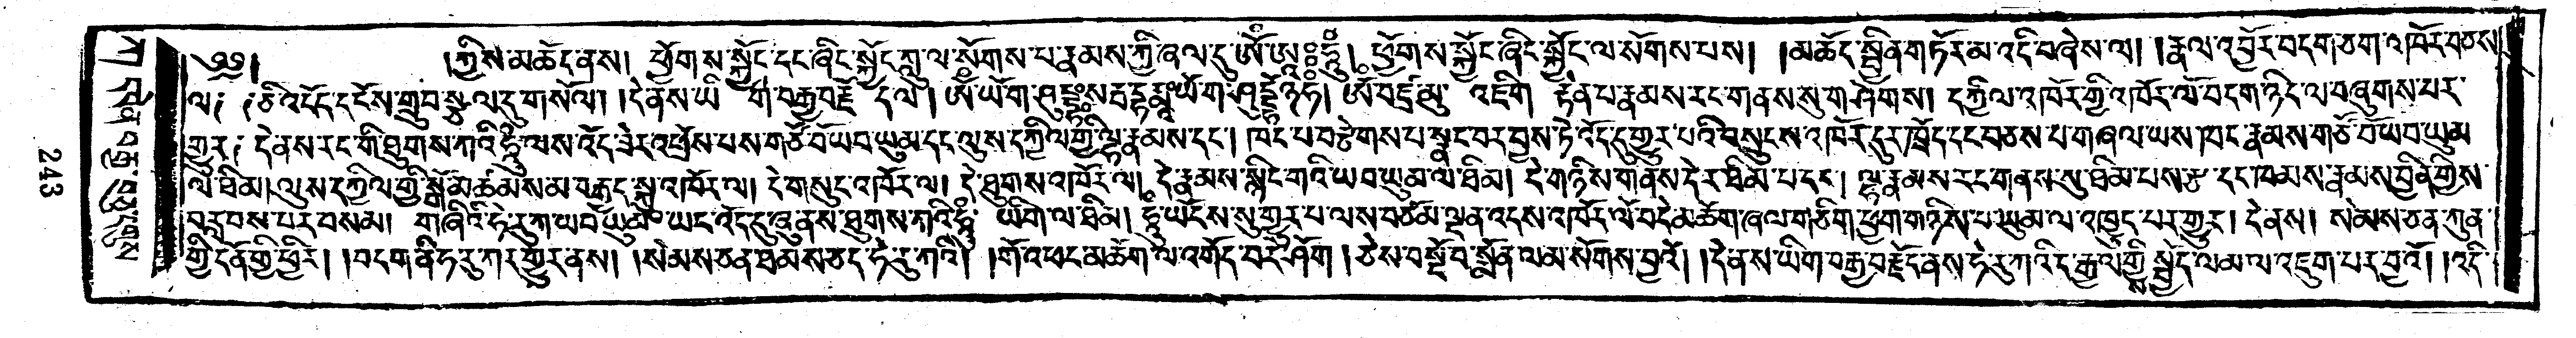༄༅། །ཀྱིས་མཆོད་ནས། ཕྱོགས་སྐྱོང་དང་ཞིང་སྐྱོང་ཀླུ་ལ་སོགས་པ་རྣམས་ཀྱི་ཞལ་དུ་ཨོཾ་ཨཱཿ ཧཱུཾ། ཕྱོགས་སྐྱོང་ཞིང་སྐྱོང་ལ་སོགས་པས། །མཆོད་སྦྱིན་གཏོར་མ་འདི་བཞེས་ལ། །རྣལ་འབྱོར་བདག་ཅག་འཁོར་བཅས་
ལ༑ ༑ཅི་འདོད་དངོས་གྲུབ་སྩལ་དུ་གསོལ། །དེ་ནས་ཡི་གེ་བརྒྱ་བརྗོད་ལ། ཨོཾ་ཡོ་ག་ཤུདྡྷཿ སརྦ་དྷརྨཱཿ ཡོ་ག་ཤུདྡྷོཉཧཾ། ཨོཾ་བཛྲ་མུ་འཇིག་རྟེན་པ་རྣམས་རང་གནས་སུ་གཤེགས། དཀྱིལ་འཁོར་གྱི་འཁོར་ལོ་བདག་ཉིད་ལ་བཞུགས་པར་
གྱུར༑ དེ་ནས་རང་གི་ཐུགས་ཀའི་ཧཱུཾ་ལས་འོད་ཟེར་འཕྲོས་པས་གཙོ་བོ་ཡབ་ཡུམ་དང་ལུས་དཀྱིལ་གྱི་ལྷ་རྣམས་དང་། ཁང་པ་བརྩེགས་པ་སྣང་བར་བྱས་ཏེ་འོད་དུ་གྱུར་པའི་བསྲུངས་འཁོར་དུར་ཁྲོད་དང་བཅས་པ་གཞལ་ཡས་ཁང་རྣམས་གཙོ་བོ་ཡབ་ཡུམ་
ལ་ཐིམ། ལུས་དཀྱིལ་གྱི་སྒོ་མཚམས་མ་བརྒྱད་སྐུ་འཁོར་ལ། དེ་གསུང་འཁོར་ལ། དེ་ཐུགས་འཁོར་ལ། དེ་རྣམས་སྙིང་གའི་ཡབ་ཡུམ་ལ་ཐིམ། དེ་གཉིས་གནས་དེར་ཐིམ་པ་དང་། ལྷ་རྣམས་རང་གནས་སུ་ཐིམ་པས་རྩ་དང་ཁམས་རྣམས་བྱིན་གྱིས་
བརླབས་པར་བསམ། གཞིའི་ཧེ་རུ་ཀ་ཡབ་ཡུམ་ཡང་འོད་དུ་ཞུ་ནས་ཐུགས་ཀའི་ཧཱུཾ་ཡིག་ལ་ཐིམ། ཧཱུཾ་ཡོངས་སུ་གྱུར་པ་ལས་བཅོམ་ལྡན་འདས་འཁོར་ལོ་བདེ་མཆོག་ཞལ་གཅིག་ཕྱག་གཉིས་པ་ཡུམ་ལ་འཁྱུད་པར་གྱུར། དེ་ནས། སེམས་ཅན་ཀུན་
གྱི་དོན་གྱི་ཕྱིར། །བདག་ནི་ཧ་རུ་ཀར་གྱུར་ནས། །སེམས་ཅན་ཐམས་ཅད་ཧེ་རུ་ཀའི། །གོ་འཕང་མཆོག་ལ་འགོད་བར་ཤོག །ཅེས་བསྔོ་བ་སྨོན་ལམ་སོགས་བྱའོ། །དེ་ནས་ཡིག་བརྒྱ་བརྗོད་ནས་ཧེ་རུ་ཀའི་ང་རྒྱལ་གྱིས་སྦྱོད་ལམ་ལ་འཇུག་པར་བྱའོ། །འདི་